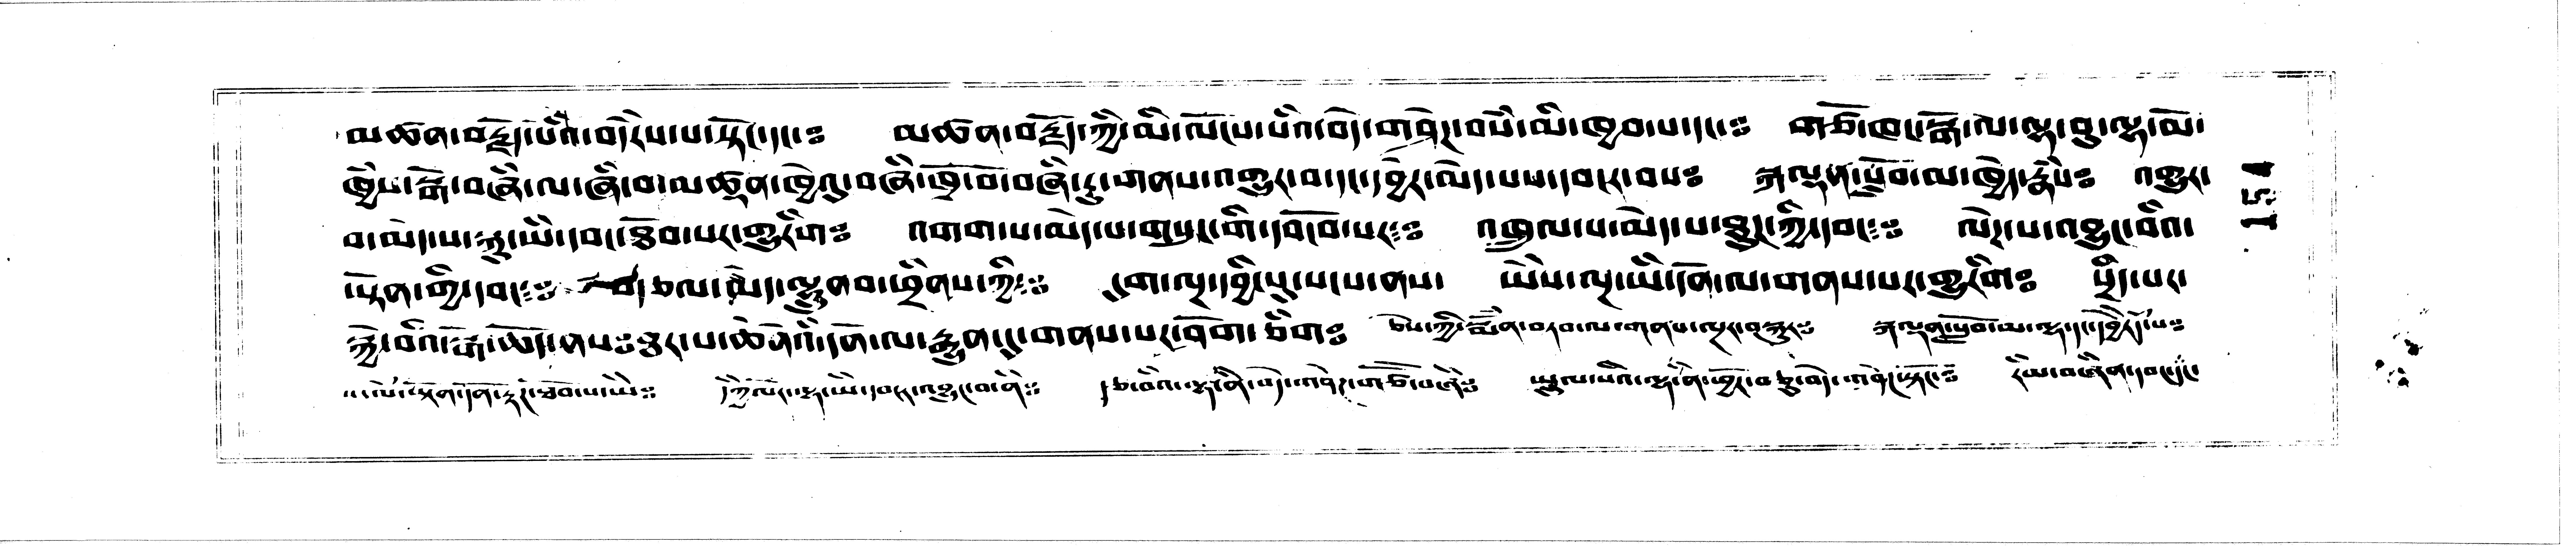མཚན་བརྗོད་པའི་བདེ་བར་གཤེགས་པ་སྟོང་དངཿ མཚན་བརྗོད་ཀྱི་མི་ལངས་པའི་བདེ་གཤེགས་པ་བསམ་མི་ཁྱབ་པ་དངཿ གཙོ་ཁང་སྒོ་ལ་ལྷ་བུ་ལྷ་མོཿ 
ཁྱམས་སྒོ་བཞི་ལ་ཞི་བ་མཚན་ལྡན་ཁྱེའུ་བཞི་ཁྲོ་བོ་བཞི་རུ་གནས་འགྱུར་བ་དང་དབྱེར་མེད་པས་དབང་བསྐུར་བསཿ སྐལ་ལྡན་སློབ་མ་ཁྱེད་རྣམསཿ འགྱུར་
བ་མེད་པ་སྐུ་ཡི་དབང་ཐོབ་པར་གྱུར་ཅིགཿ འགག་པ་མེད་པ་གསུང་གི་དབང་ཐོབ་པར་གྱུར་ཅིགཿ འཁྲུལ་པ་མེད་པ་ཐུགས་ཀྱི་དབང་ཐོབ་པར་གྱུར་ཅིགཿ ལེགས་པ་འབྱུང་བའི་
ཡོན་ཏན་གྱི་དབང་ཐོབ་པར་གྱུར་ཅིགཿ རྩལ་མེད་ལྷུན་གྲུབ་འཕྲིན་ལས་ཀྱི་དབང་ཐོབ་པར་གྱུར་ཅིགཿ དུག་ལྔ་དབྱིངས་སུ་སངས་ནས་ཡེ་ཤེས་ལྔ་ཡི་དོན་ལ་གནས་པར་གྱུར་ཅིགཿ སྲིད་པར་
སྐྱེ་བའི་སྒོ་ཆོད་ནས་ཐར་པ་ཆེན་པོའི་དོན་ལ་རྒྱུན་དུ་གནས་པར་ཤོག་ཅིགཿ ཅེས་ཀྱི་སྨོན་ལམ་བཏབ་ལ་གནས་ལྔར་བསྐུརཿ སྐལ་ལྡན་སློབ་མ་ལྷ་དང་དབྱེར་མེད་པཿ
 ས་ལམ་ཡོན་ཏན་དོན་རྟོགས་ཐོབ་པ་ཡིཿ དཀྱིལ་འཁོར་ལྷ་ཡི་དབང་སྐུར་འབྱུང་བ་ནིཿ རྩ་བའི་ལྷ་ནི་བདེར་གཤེགས་གཙོ་བོ་བཞིཿ སྤྲུལ་པའི་ལྷ་ནི་ཕྱོགས་བཅུ་བདེར་གཤེགས་སྟོངཿ རིམ་བཞིན་དབང་